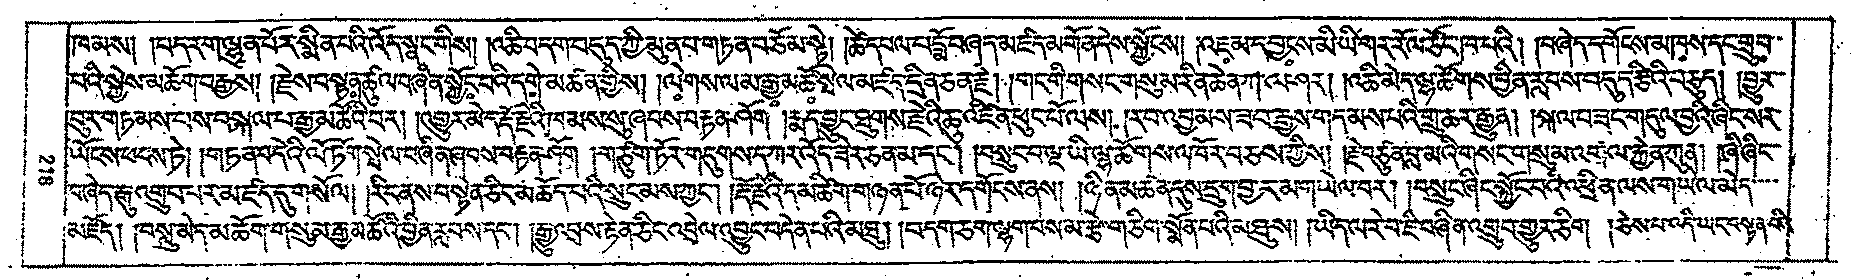ཁམས། །པད་རག་ལྷུན་པོར་སྨིན་པའི་འོད་སྣང་གིས། །འཆི་བདག་བདུད་ཀྱི་མུན་པ་གཏན་བཅོམ་སྟེ། །ཚེ་དཔལ་པདམོ་བཞད་མཛད་མགོན་དེས་སྐྱོངས། །འཇམ྾་དབྱངས྾་མི་ཡི་གར་རོལ་ཙོང་ཁ་པའི། །བཞེད་དགོངས་མཁས྾་དང་གྲུབ྾་
པའི་སྐྱེས་མཆོག་བརྒྱས། །རྗེས་བསྟན་ཚུལ་བཞིན་སྐྱོང྾་བའི་དགེ྾་མཚན་གྱིས། །ལེགས྾་ལམ་རྒྱ྾་མཚོ྾་སྤེལ་མཛད་དྲིན་ཅན་རྗེ། །གང་གི་གསང་གསུམ་རིན་ཆེན་ཀ་ལ་ཤར། །འཆི་མེད་ལྷ་ཚོགས་བྱིན་རླབས་བདུད་རྩིའི་བཅུད། །བྱུར་
བུར་གཏམས་པས་བསྐལ་པ་རྒྱ་མཚོའི་བར། །འགྱུར་མེད་རྡོ་རྗེའི་ཁམས་སུ་ཞབས་བརྟན་ཤོག །རྨད་བྱུང་ཐུགས་རྗེའི་ཆུ་འཛིན་ཕུང་པོ་ལས། །རབ་འབྱམས་ཟབ་རྒྱས་གདམས་པའི་གྲུ་ཆར་རྒྱུན། །སྐལ་བཟང་གདུལ་བྱའི་ཞིང་སར་
ཡོངས་ཕབས་ཏེ། །གཏན་བདེའི་ལོ་ཏོག་སྤེལ་བཞིན་ཞབས་བརྟན་ཤོག །གཙུག་ཏོར་གདུགས་དཀར་འོད་ཟེར་ཅན་མ་དང་། །བསྲུང་བ་ལྔ་ཡི་ལྷ་ཚོགས་འཁོར་བཅས་ཀྱིས། །རྗེ་བཙུན་བླ་མའི་གསང་གསུམ་འགལ་རྐྱེན་ཀུན། །ཞི་ཞིང་
བཞེད་རྒུ་འགྲུབ་པར་མཛད་དུ་གསོལ། །རིང་ནས་བསྟེན་ཅིང་མཆོད་པའི་སྲུང་མས་ཀྱང་། །རྡོ་རྗེའི་དམ་ཚིག་གཉན་པོ་ཉེར་དགོངས་ནས། །ཉིན་མཚན་དུས་དྲུག་བྱ་ར་མ་གཡེལ་བར། །བསྲུང་ཞིང་སྐྱོང་བའི་འཕྲིན་ལས་གཡེལ་མེད་
མཛོད། །བསླུ་མེད་མཆོག་གསུམ་རྒྱ་མཚོའི་བྱིན་རླབས་དང་། །རྒྱུ་འབྲས་རྟེན་ཅིང་འབྲེལ་འབྱུང་བདེན་པའི་མཐུ། །བདག་ཅག་ལྷག་བསམ་རྩེ་གཅིག་སྨོན་པའི་མཐུས། །ཡིད་ལ་རེ་བ་ཇི་བཞིན་འགྲུབ་གྱུར་ཅིག །ཅེས་པ་འདི་ཡང་བསྟན་པའི་